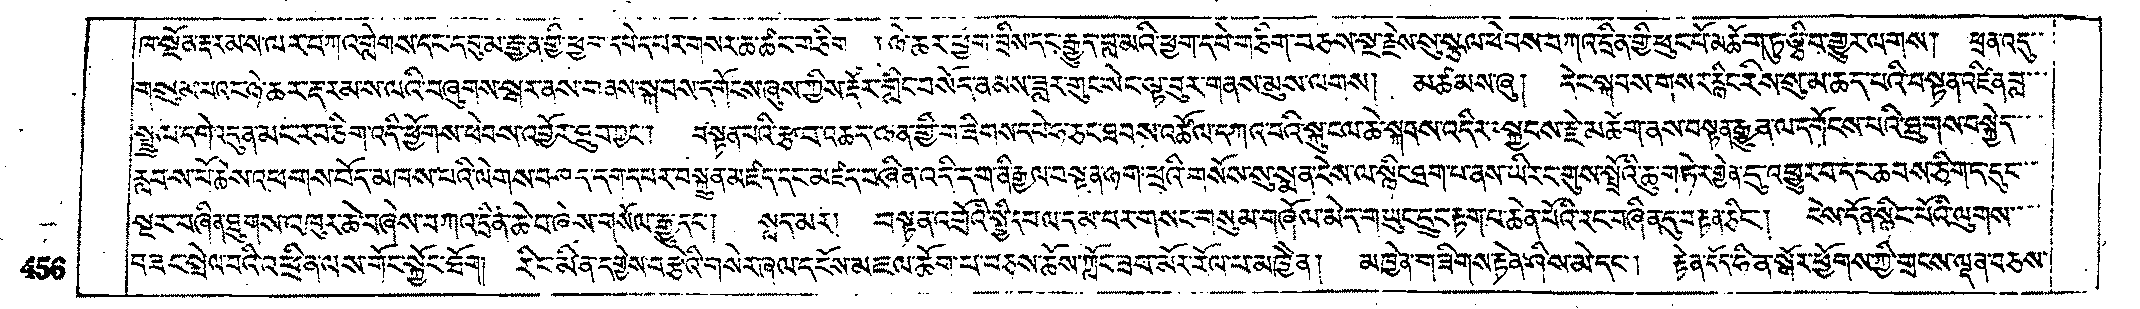ཁ་སྔོན་རྡ་རམ་ས་ལར་བཀའ་གླེགས་དང་དབུ་མ་རྒྱན་གྱི་ཕྱག་དཔེ་དཔར་གསར་ཆ་ཚང་གཅིག །ཉེ་ཆར་ཕྱག་བྲིས་དང་རྒྱུད་བླ་མའི་ཕྱག་དཔེ་གཅིག་བཅས་སྔ་རྗེས་སུ་སྩལ་ཕེབས་བཀའ་དྲིན་གྱི་ཕུང་པོ་མཆོག་ཏུ་ལྕི་བ་གྱུར་ལགས། ཕྲན་འདུ་་་
གསུམ་པའང་ཉེ་ཆར་རྡ་རམ་ས་ལའི་བཞུགས་སྒར་ནས་གནས་སྐབས་དགོངས་ཞུས་ཀྱིས་རྡོར་གླིང་བསོད་ནམས་ཟླར་གུང་སེང་ལྟ་བུར་གནས་མུས་ལགས། མཚམས་ཞུ། དེང་སྐབས་གསར་རྙིང་རིས་སུ་མ་ཆད་པའི་བསྟན་འཛིན་བླ་་་
སྤྲུལ་དགེ་འདུན་མང་རབ་ཅིག་འདི་ཕྱོགས་ཕེབས་འབྱོར་ཐུབ་ཀྱང་། བསྟན་པའི་རྩ་བ་འཆད་ཉན་གྱི་གཟིགས་དཔེ་ཧ་ཅང་ཐབས་འཚོལ་དཀའ་བའི་སྐུ་ངལ་ཆེ་སྐབས་འདིར ༧སྐྱབས་རྗེ་མཆོག་ནས་བསྟན་རྒྱུན་ལ་དགོངས་པའི་ཐུགས་བསྐྱེད་་་
རླབས་པོ་ཆེས་འཕགས་བོད་མཁས་པའི་ལེགས་བཤད་དག་དཔར་བསྐྲུན་མཛད་དང་མཛད་བཞིན་འདི་དག་ནི་རྒྱལ་བསྟན་ཉག་ཕྲའི་གསོས་སུ་སྨན་ངེས་ལ་སྙིང་ཐག་པ་ནས་ཡི་རང་གུས་སྤྲོའི་ཆུ་གཏེར་གྱེན་དུ་འཕྱུར་བ་དང་ཆབས་ཅིག་ད་དུང་་་
སྔར་བཞིན་ཐུགས་འཁུར་ཆེ་བ་ཞེས་བཀའ་དྲིན་ཆེ་བ་ཞེས་གསོལ་རྒྱུ་དང་། སླད་མར། བསྟན་འགྲོའི་སྤྱི་དཔལ་དམ་པར་གསང་གསུམ་གཞོལ་མེད་གཡུང་དྲུང་རྟག་པ་ཆེན་པོའི་རང་བཞིན་དུ་བརྟན་ཅིང་། ངེས་དོན་སྙིང་པོའི་ལུགས་་་
བཟང་སྤེལ་བའི་འཕྲིན་ལས་གོང་སྐྱོང་ཐོག། རིང་མིན་དགྱེས་བརྩེའི་གསེར་ཞལ་དངོས་མཇལ་ཆོག་པ་བཅས་ཆོས་ཀློང་ཟབ་མོར་རོལ་པ་མཁྱཻན། མཁྱེན་གཟིགས་རྟེན་ཤིས་མེ་དང་། རྟེན་དོད་ཧིན་སྒོར་ཕྱོགས་ཀྱི་གྲངས་ལྡན་བཅས་